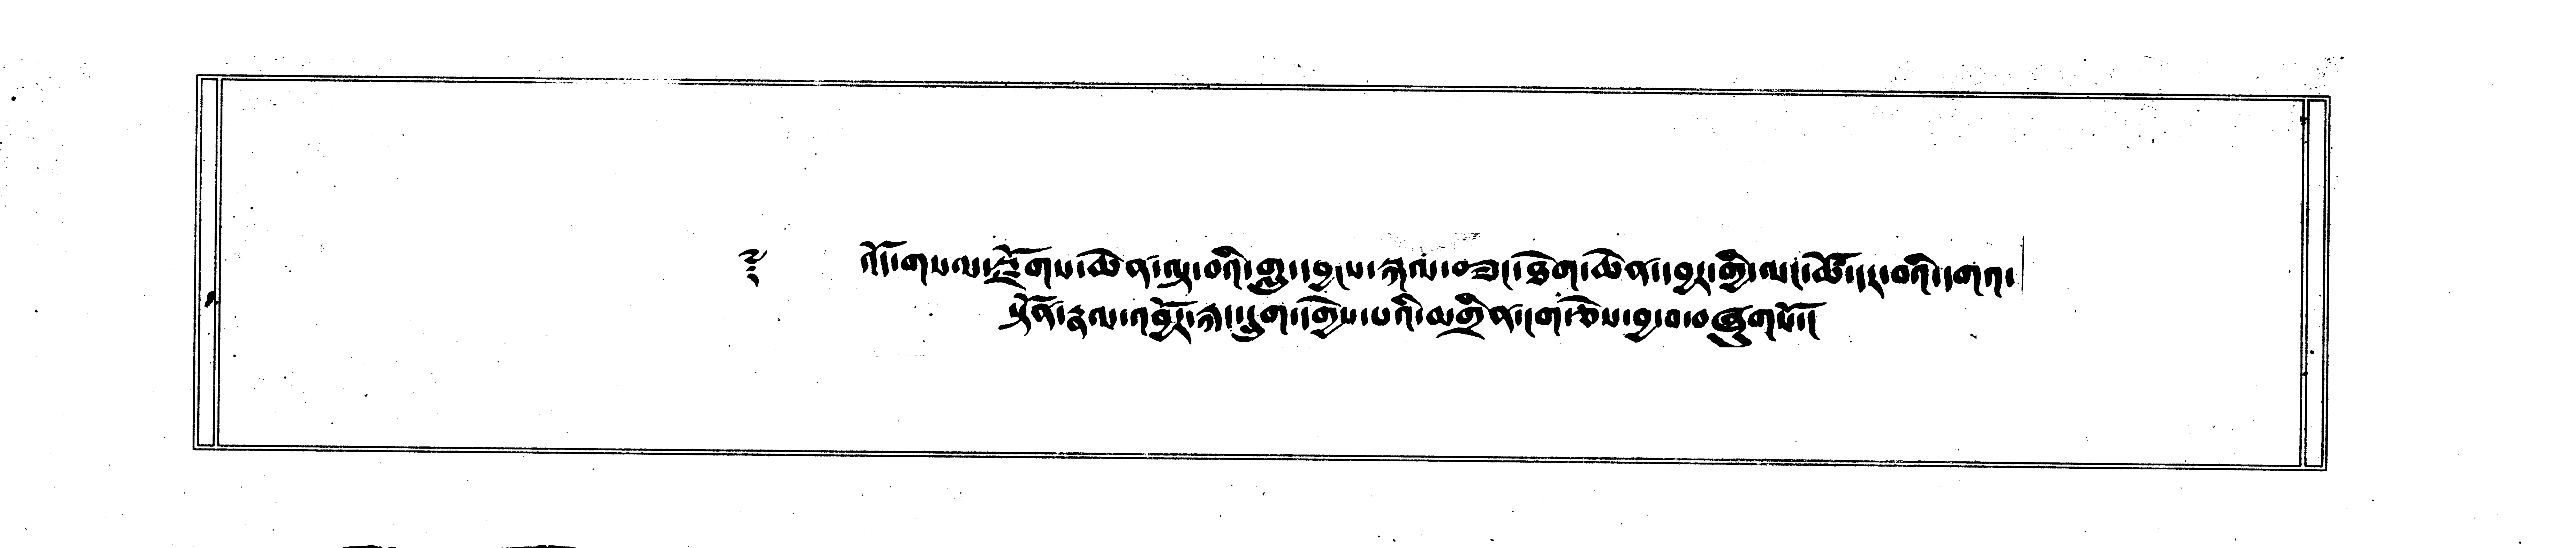༄༅།། འོད་གསལ་རྫོགས་ཆེན་ལྟ་བའི་གླུ་དབྱངས་སྐལ་བཟང་ཐེག་ཆེན་དབྱར་གྱི་ལང་ཚོ་དར་བའི་དགའ་སྟོན་རྣལ་འབྱོར་རྐང་དྲུག་དགྱེས་པའི་མགྲིན་ངག་ཅེས་བྱ་བ་བཞུགས་སོ།།